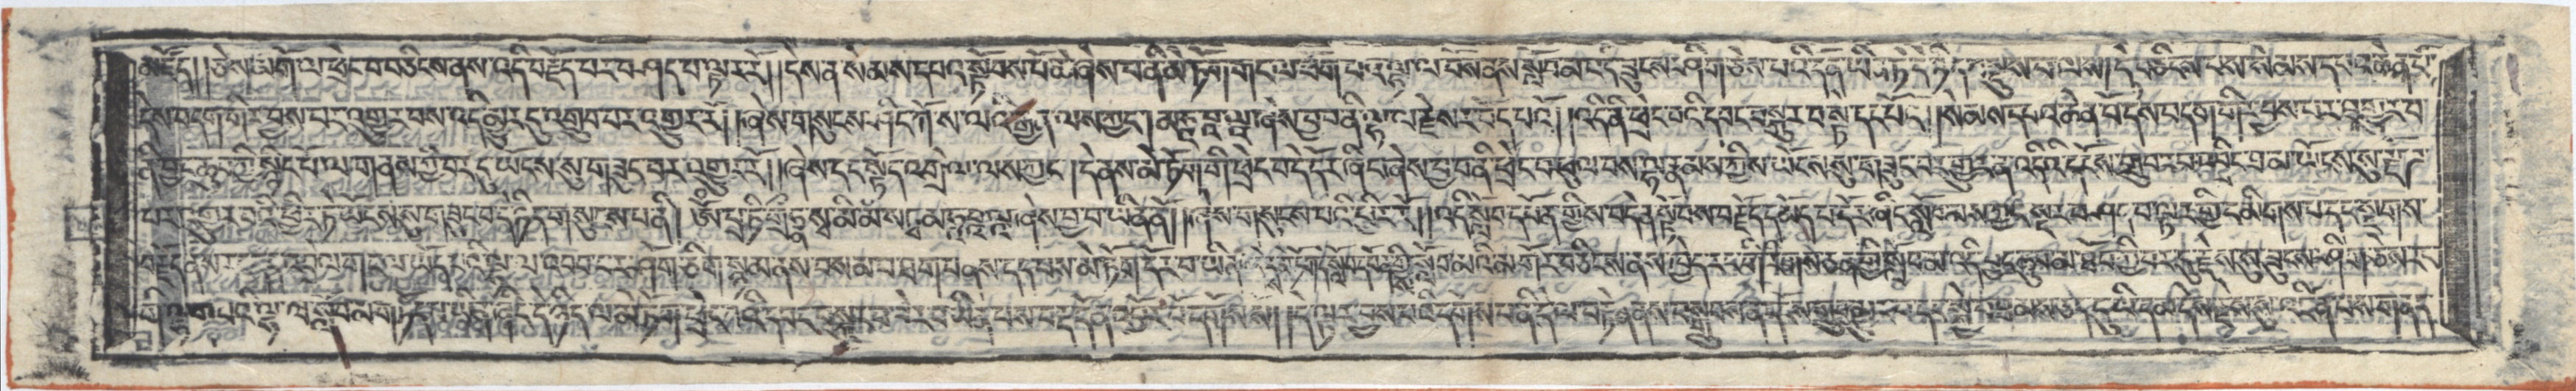མཛོད། །ཅེས་མགོ་ལ་ཕྲེང་བ་བཅིངས་ནས་འདི་བརྗོད་པར་བཤད་པ་ལྟར་རོ། །དེས་ན་སེམས་དཔའ་སྟོབས་པོ་ཆེ་ཞེས་པ་ནི་མེ་ཏོག་གང་ལ་ཕོག་པའི་ལྷ་ལ་བོས་ནས་སློབ་མ་འདི་ཟུངས་ཤིག་ཅེས་པའི་དོན་ཡིན་ཏེ་དེ་ཉིད་བསྡུས་པ་ལས། དེ་བཅིངས་པས་སེམས་དཔའ་ཆེན་པོ་
དེས་བདག་གིར་བྱས་པར་འགྱུར་བས་འདི་མྱུར་དུ་འགྲུབ་པར་འགྱུར་རོ། །ཞེས་གསུངས་ཤིང་ཀོ་ས་ལའི་རྒྱན་ལས་ཀྱང་། མཧཱ་བཱ་ལཱ་ཞེས་བྱ་བ་ནི་ལྷ་ལ་རྗེ་སར་བོད་པའོ། །འདི་ནི་ཕྲེང་བའི་དབང་བསྐུར་བ་སྟེ་དང་པོའོ། །སེམས་དཔའ་ཆེན་པོ་དེས་བདག་གིར་བྱས་པར་འགྱུར་བ་
ནི་བྱང་ཆུབ་ཀྱི་སྙིང་པོ་ལ་གནས་ཀྱི་བར་དུ་ཡོངས་སུ་གཟུང་བར་འགྱུར་རོ། །ཞེས་དང་སྟོད་འགྲེལ་ལས་ཀྱང་། དེ་ནས་མེ་ཏོག་གི་ཕྲེང་བ་དེ་དོར་ཞིང་ཞེས་བྱ་བ་ནི་ཕྲེང་བ་ཕུལ་བས་ལྷ་རྣམས་ཀྱིས་ཡོངས་སུ་གཟུང་བར་གྱུར་ན་འདིའི་དངོས་གྲུབ་རབ་འབྲིང་ཐ་མ་ཡོངས་སུ་རྫོགས་
པར་འགྱུར་བའི་ཕྱིར་ཏེ་ཡོངས་སུ་གཟུང་བ་དེ་ཉིད་གསུངས་པ་ནི། ཨོཾ་པྲ་ཏི་གྲྀཧྣ་སྭ་མི་མཾ་སཏྭ་མ་ཧཱ་བཱ་ལཱ་ཞེས་བྱ་བ་ཡིན་ནོ། །ཞེས་གསུངས་པའི་ཕྱིར་རོ། །འདི་སློབ་དཔོན་གྱིས་བདེན་སྟོབས་བརྗོད་དམོད་པ་དོར་ཞིང་སློབ་མས་ཀྱང་སྔར་བཤད་པ་ལྟར་གྱི་དམིགས་པ་དང་སྔགས་
བརྗོད་ནས་རང་དད་འབྲེལ་གང་ལ་ཡོད་པའི་ལྷ་ལ་འབབ་པར་ཤོག་ཅིག་སྙམ་ནས་བསམ་པ་ཐག་པ་ནས་དད་པས་མེ་ཏོག་དོར་བ་ཡིན་ཅྗེན་དས་མེ་ཏོག་དེ་སློབ་དཔོན་གྱིས་སློབ་མའི་མགོར་བཅིངས་ནས་ཁྱེད་རང་གི་རིགས་ཅན་གྱི་སློབ་མ་འདི་བྱང་ཆུབ་མ་ཐོབ་ཀྱི་བར་དུ་རྗེས་སུ་ཟུངས་ཤིག་ཅེས་རང་
གི་ལྷག་པའི་ལྷ་ལ་སློབ་མ་གཏོད་པ་ཡིན་ཞིང་དེ་ཉིད་ལ་མེ་ཏོག་ཕྲེང་བའི་དབང་བསྐུར་བ་ཟེར་བ་ཡིན་པས་བརྡ་དོན་འབྱོར་པོ་དགོས་སོ། །དེ་ལྟར་བྱས་པའི་དགོས་པ་ནི་དེ་ལ་བརྟེན་ནས་བསྒྲུབས་ན་དངོས་གྲུབ་མྱུར་བ་དང་སྐྱེ་བ་ཐམས་ཅད་དུ་ཡི་དམ་དེས་རྗེས་སུ་འཛིན་པས་གནད་